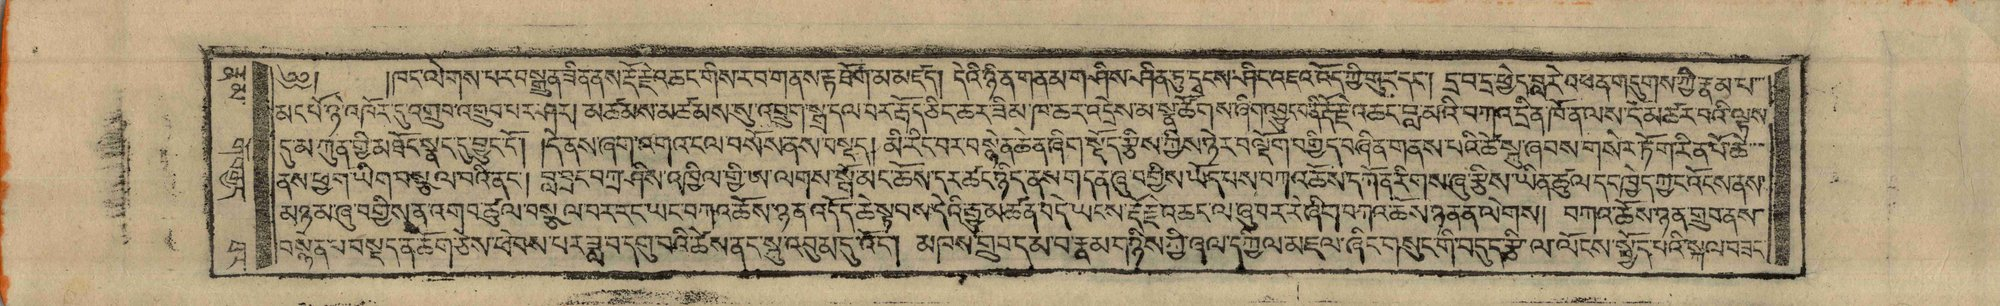༄༅། །ཁང་ལེགས་པར་བསྒྲུན་ཟིན་ནས་རྡོ་རྗེ་འཆང་གིས་རབ་གནས་རྟ་ཐོག་མ་མཛད། དེའི་ཉིན་གནམ་གཤིས་ཤིན་ཏུ་དྭངས་ཤིང་འཇའ་འོད་ཀྱི་གུར་དང་། དྲ་བ་དྲ་ཕྱེད་བླ་རེ་འཕན་གདུགས་ཀྱི་རྣམ་པ་
མང་པོ་ཉེ་འཁོར་དུ་འགྲུབ་འགྲུབ་པར་ཤར། མཚམས་མཚམས་སུ་འབྲུག་སྒྲ་དལ་བར་རྒོད་ཅིང་ཆར་ཟིམ་ཁ་ཆར་འདྲེས་མ་སྣ་ཚོགས་ཞིག་འབྱུང་བ་ནི་རྡོ་རྗེ་འཆང་བླ་མའི་བཀའ་དྲིན་ཁོ་ན་ལས་ངོ་མཚར་བའི་ལྟས་
དུ་མ་ཀུན་གྱི་མཐོང་སྣང་དུ་བྱུང་ངོ། །དེ་ནས་ཞག་འགའ་ངལ་བསོས་ནས་བསྡད། མི་རིང་བར་བསྙེན་ཆེན་ཞིག་སྡོད་རྩིས་ཀྱིས་ཉེར་བལྡོག་བགྱིད་བཞིན་གནས་པའི་ཚེ་སྐུ་ཞབས་གསེར་ཏོག་རིན་པོ་ཆེ་
ནས་ཕྱག་ཡིག་བསྩལ་བའི་ནང་། བླ་བྲང་བཀྲ་ཤིས་འཁྱིལ་གྱི་ཨ་ལགས་སྒོ་མང་ཆོས་དར་ཚང་ཉིད་ནས་གདན་ཞུ་བགྱིས་ཡོད་པས་བཀའ་ཆོས་དཀོན་རིགས་ཞུ་རྩིས་ཡིན་ཚུལ་དང་ཁྱེད་ཀྱང་འོངས་ནས་
མཉམ་ཞུ་བགྱིས་ན་འགབ་ཚུལ་བསྩལ་བར་རང་ཡང་བཀའ་ཆོས་ཉན་འདོད་ཆེ་སྟབས་དེའི་རྒྱུ་མཚན་བདེ་ཡངས་རྡོ་རྗེ་འཆང་ལ་ཞུ་བར་རེ་ཞིག་བཀའ་ཆོས་ཉན་ན་ལེགས། བཀའ་ཆོས་ཉན་གྲུབ་ནས་
བསྙེན་པ་བསྡད་ན་ཆོག་ཅེས་ཕེབས་པར་ཟླ་བ་དགུ་པའི་ཚེས་ནང་སྐུ་འབུམ་དུ་འོང་། མཁས་གྲུབ་དམ་པ་རྣམ་གཉིས་ཀྱི་ཞལ་དཀྱིལ་མཇལ་ཞིང་གསུང་གི་བདུད་རྩི་ལ་ལོངས་སྤྱོད་པའི་སྐལ་བཟང་